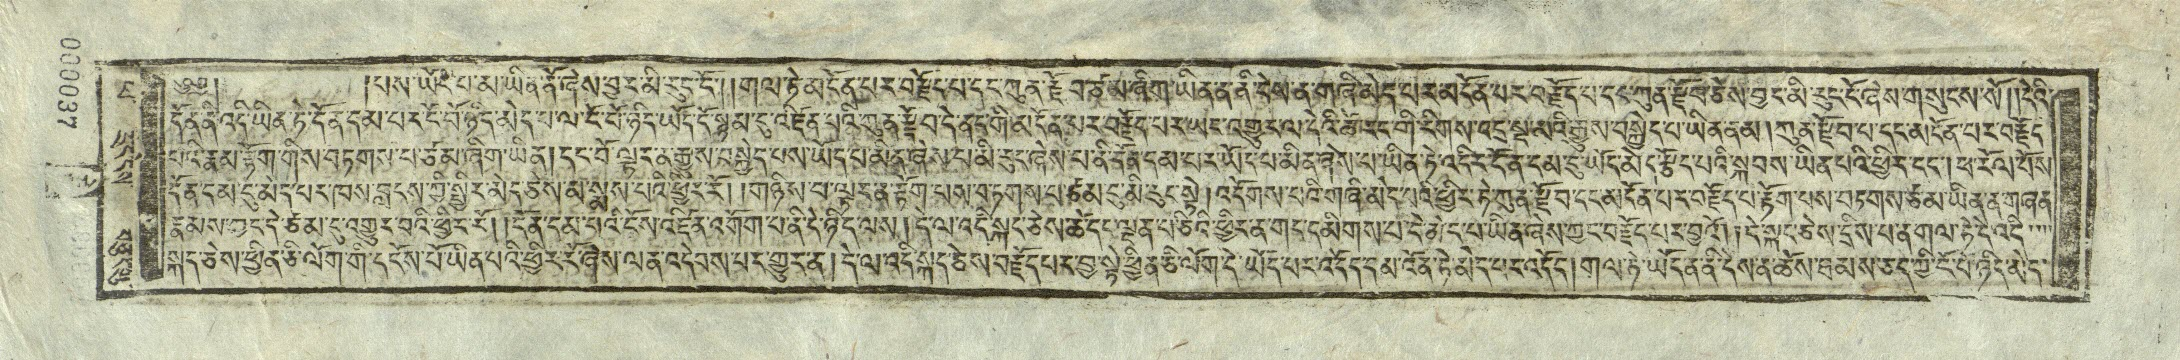༄༅། །པས་ཡོད་པ་མ་ཡིན་ནོ་ཞེས་བྱར་མི་རུང་ངོ། །གལ་ཏེ་མངོན་པར་བརྗོད་པ་དང་ཀུན་རྫོབ་ཙམ་ཞིག་ཡིན་ན་ནི་དེས་ན་གཞི་མེད་པར་མངོན་པར་བརྗོད་པ་དང་ཀུན་རྫོབ་ཅེས་བྱར་མི་རུང་ངོ་ཞེས་གསུངས་སོ། །དེའི་
དོན་ནི་འདི་ཡིན་ཏེ་དོན་དམ་པར་ངོ་བོ་ཉིད་མེད་པ་ལ་ངོ་བོ་ཉིད་ཡོད་དོ་སྙམ་དུ་འཛིན་པའི་ཀུན་རྫོབ་དེ་ནང་གི་མངོན་པར་བརྗོད་པར་ཡང་འགྱུར་ལ་དེའི་ཚེ་རང་གི་རིགས་འདྲ་སྔ་མའི་རྒྱུས་བསྐྱེད་པ་ཡིན་ནམ། ཀུན་རྫོབ་པ་དང་མངོན་པར་བརྗོད་
པའི་རྣམ་རྟོག་གིས་བཏགས་པ་ཙམ་ཞིག་ཡིན། དང་པོ་ལྟར་ན་རྒྱུས་བསྐྱེད་པས་ཡོད་པ་མིན་ཞེས་པ་མི་རུང་ཞེས་པ་ནི་དོན་དམ་པར་ཡོད་པ་མིན་ཞེས་པ་ཡིན་ཏེ་འདིར་དོན་དམ་དུ་ཡོད་མེད་རྩོད་པའི་སྐབས་ཡིན་པའི་ཕྱིར་དང་། ཕ་རོལ་པོས་
དོན་དམ་དུ་མེད་པར་ཁས་བླངས་ཀྱི་སྤྱིར་མེད་ཙས་མ་སྨྲས་པའི་ཕྱིར་རོ། །གཉིས་པ་ལྟར་ན་རྟོག་པས་བཏགས་པ་ཙམ་དུ་མི་རུང་སྟེ། འདོགས་པའི་གཞི་མེད་པའི་ཕྱིར་ཏེ་ཀུན་རྫོབ་དང་མངོན་པར་བརྗོད་པ་རྟོག་པས་བཏགས་ཙམ་ཡིན་ན་གཞན་
རྣམས་ཀྱང་དེ་ཙམ་དུ་འགྱུར་བའི་ཕྱིར་རོ། །དོན་དམ་པའི་ངོས་འཛིན་འགོག་པ་ནི་དེ་ཉིད་ལས། དེ་ལ་འདི་སྐད་ཅེས་ཆོ་དང་ལྡན་པ་ཅིའི་ཕྱིར་ན་གང་དམིགས་པ་ད་མེད་པ་ཡིན་ཞེས་ཀྱང་བརྗོད་པར་བྱའོ། །དེ་སྐད་ཅེས་དྲིས་པ་ན་གལ་ཏེ་དེ་འདི་
སྐད་ཅེས་ཕྱིན་ཅི་ལོག་གི་དངོས་པོ་ཡིན་པའི་ཕྱིར་རོ་ཞེས་ལན་འདེབས་པར་གྱུར་ན། དེ་ལ་འདི་སྐད་ཅེས་བརྗོད་པར་བྱ་སྟེ་ཕྱིན་ཅི་ལོག་དེ་ཡོད་པར་འདོད་དམ་འོན་ཏེ་མེད་པར་འདོད། གལ་ཏེ་ཡོད་ན་ནི་དེས་ན་ཆོས་ཐམས་ཅད་ཀྱི་ངོ་བོ་ཉིད་མེད་